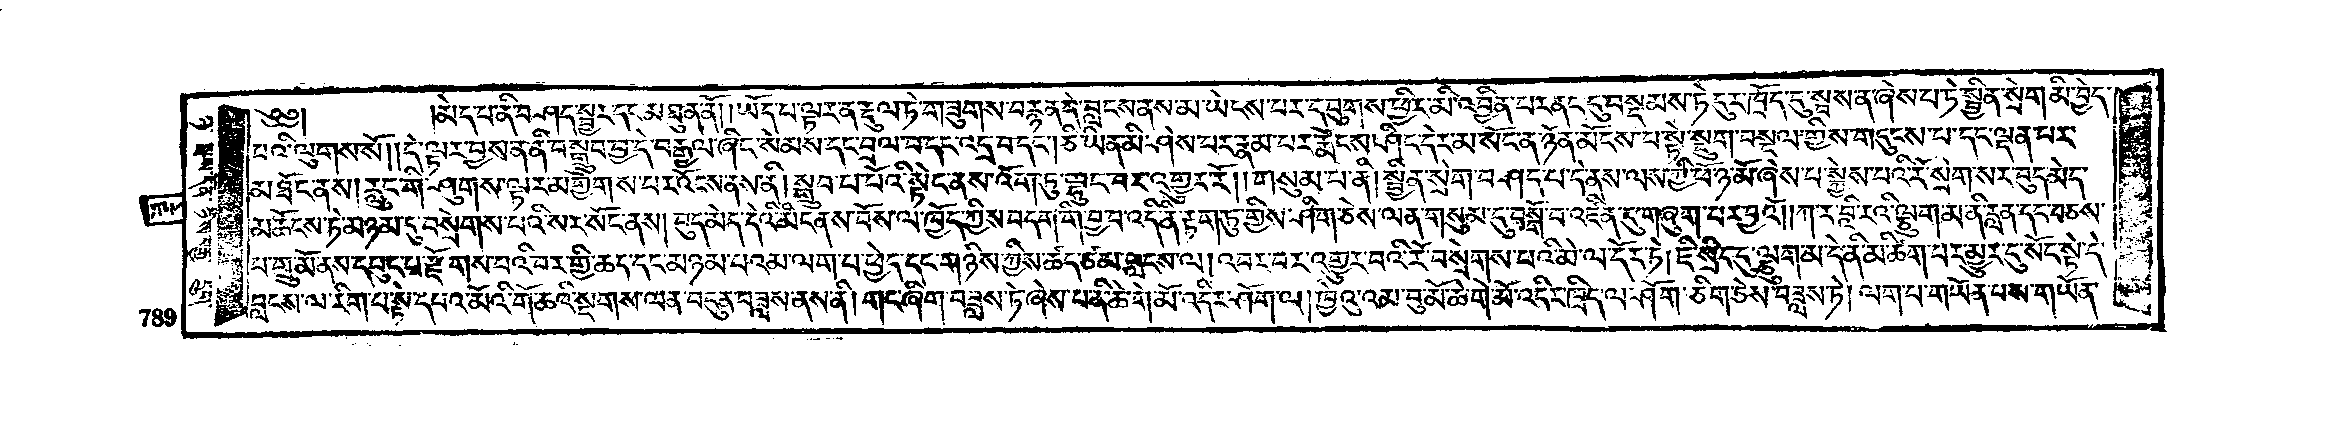༄༅། །མེད་པ་ནི་བཤད་སྦྱར་དང་མཐུན་ནོ། །ཡོད་པ་ལྟར་ན་རྡུལ་ཏེ་གཟུགས་བརྙན་དེ་བླངས་ནས་མ་ཡེངས་པར་དབུགས་ཕྱིར་མི་འབྱིན་པར་ནང་དུ་བསྡམས་ཏེ་དུར་ཁྲོད་དུ་སྦས་ན་ཞེས་པ་ཏེ་སྦྱིན་སྲེག་མི་བྱེད་
པའི་ལུགས་སོ། །དེ་ལྟར་བྱས་ན་ནི་བསྒྲུབ་བྱ་དེ་བརྒྱལ་ཞིང་སེམས་དང་བྲལ་བ་དང་འདྲ་བ་དང་། ཅི་ཡིན་མི་ཤེས་པར་རྣམ་པར་རྨོངས་ཤིང་དེར་མ་སོང་ན་ཉོན་མོངས་པ་སྟེ་སྡུག་བསྔལ་གྱིས་གདུངས་པ་དང་ལྡན་པར་
མཐོང་ནས། རླུང་གི་ཤུགས་ལྟར་མགྱོགས་པར་འོངས་ནས་ནི། སྒྲུབ་པ་པོའི་སྟེང་ནས་འོག་ཏུ་ལྷུང་བར་འགྱུར་རོ། །གསུམ་པ་ནི། སྦྱིན་སྲེག་བཤད་པ་དེ་ནས་ལས་ཀྱི་ཕོ་ཉ་མོ་ཞེས་པ་སྐྱེས་པའི་རོ་སྲེག་སར་བུད་མེད་
མཆོངས་ཏེ་མཉམ་དུ་བསྲེགས་པའི་སར་སོང་ནས། བུད་མེད་དེའི་མིང་ནས་བོས་ལ་ཁྱོད་ཀྱིས་བདག་གི་བྱ་བ་འདི་ནི་རྟག་ཏུ་གྱིས་ཤིག་ཅེས་ལན་གསུམ་དུ་བསྒོ་བ་འཛིན་དུ་གཞུག་པར་བྱའོ། །ཀ་ར་བཱི་རའི་ལྕུག་མ་ནི་རླན་དང་བཅས་
པ་གྲུ་མོ་ནས་དཔུང་པ་རྫོགས་པའི་བར་གྱི་ཚད་དང་མཉམ་པའམ་ལག་པ་ཕྱེད་དང་གཉིས་ཀྱིས་ཚད་ཙམ་བླངས་ལ། འབར་བར་འགྱུར་བའི་རོ་བསྲེགས་པའི་མེ་ལ་དོར་ཏེ། ཇི་སྲིད་དུ་ལྕུག་མ་དེ་ནི་མ་ཚིག་པར་མྱུར་དུ་སོང་སྟེ་དེ་
བླངས་ལ་རིག་པ་སྟེ་དཔའ་མོའི་གོ་ཆའི་སྔགས་ལན་བདུན་བཟླས་ནས་ནི། གང་ཞིག་བཟླས་ཏེ་ཞེས་པ་ནི་ཆེ་གེ་མོ་འདིར་ཤོག་ལ། ཁྱེའུ་འམ་བུ་མོ་ཆེ་གེ་མོ་འདིར་ཁྲིད་ལ་ཤོག་ཅིག་ཅེས་བཟླས་ཏེ། ལག་པ་གཡོན་པས་གཡོན་